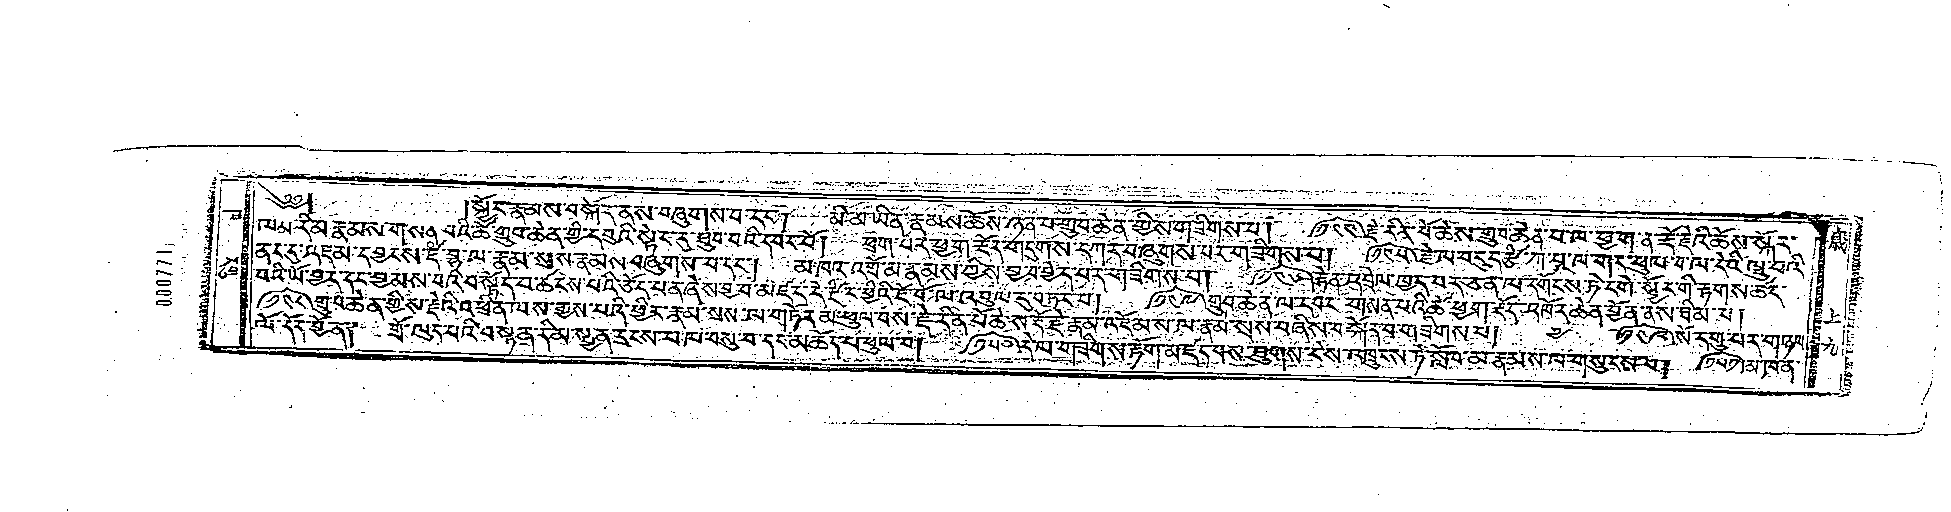༄༅། །སྐྱོང་རྣམས་བསྐོར་ནས་བཞུགས་བ་དང་། མི་མ་ཡིན་རྣམས་ཆོས་ཉན་པ་གྲུབ་ཆེན་གྱིས་གཟིགས་པ། ༡༤༤?་རྗེ་རིན་བོ་ཆེས་གྲུབ་ཆེན་པ་ལ་ཕྱག་ན་རྡོ་རྗེའི་ཆོས་སྐོར་
ལམ་རིམ་རྣམས་གསན་བའི་ཚེ་གྲུབ་ཆེན་གྱི་དབུའི་སྟེང་དུ་ཐུབ་པའི་དབང་བོ། ཕྲག་པར་ཕྱག་རྔོར་གདུགས་དཀར་བཞུགས་པར་གཟིགས་པ། ༡༤༥?་རྗེ་ལ་བདུད་རྩི་ཀ་པཱ་ལ་གང་ཕུལ་བ་ལ་དེའི་ལཱུ?་བའི་
ནང་དུ་འཇམ་དབྱངས་ཛཾ་བྷ་ལ་རྣམ་སྲས་རྣམས་བཞུགས་པ་དང་། མཁའ་འགྲོ་མ་རྣམས་ཀྱིས་བྱ་བ་བྱེད་པར་གཟིགས་པ། ༡༤༦?་རྟེན་འབྲེལ་ཁྱད་པར་ཅན་ལ་དགོངས་ཏེ་དགེ་སྦྱོང་གི་རྟགས་ཚང་
བའི་ཡོ་བྱད་དང་བྱམས་པའི་བསྟོད་པ་ཚངས་པའི་ཅོད་པན་ཞེས་བྱ་བ་མཛད་དེ་རྫིང་ཕྱིའི་ཇོ་བོ་ལ་འབུལ་དུ་བཏང་པ། ༡༤༧?་གྲུབ་ཆེན་ལ་དབང་གསན་པའི་ཚེ་ཕྱག་རྡོར་འཁོར་ཆེན་བྱོན་ནས་ཐིམ་པ།
༼༡༤༨?་གྲུབ་ཆེན་གྱིས་རྗེའི་འཕྲིན་ལས་རྒྱས་པའི་ཕྱིར་རྣམ་སྲས་ལ་གཏོར་མ་ཕུལ་བས་རྗེ་རིན་པོ་ཆེས་རྡོ་རྗེ་རྣམ་འཇོམས་ལ་རྣམ་སྲས་བཞིས་བསྐོར་བ་གཟིགས་པ། ༧་༽༡༤༩?་སོ་དགུ་པར་གཉལ་
ལོ་དོར་བྱོན༑ གྲོ་ལུང་པའི་བསྟན་རིམ་སྤྱན་དྲངས་པ་ལ་བསུ་བ་དང་མཆོད་པ་ཕུལ་བ། ༼༡༥༠?་དེ་ལ་གཟིགས་རྟོག་མཛད་པས་ཐུགས་ངེས་འཁྲུངས་ཏེ་སློབ་མ་རྣམས་ལ་གསུངས་པ། ༽༡༥༡?་མཁན་